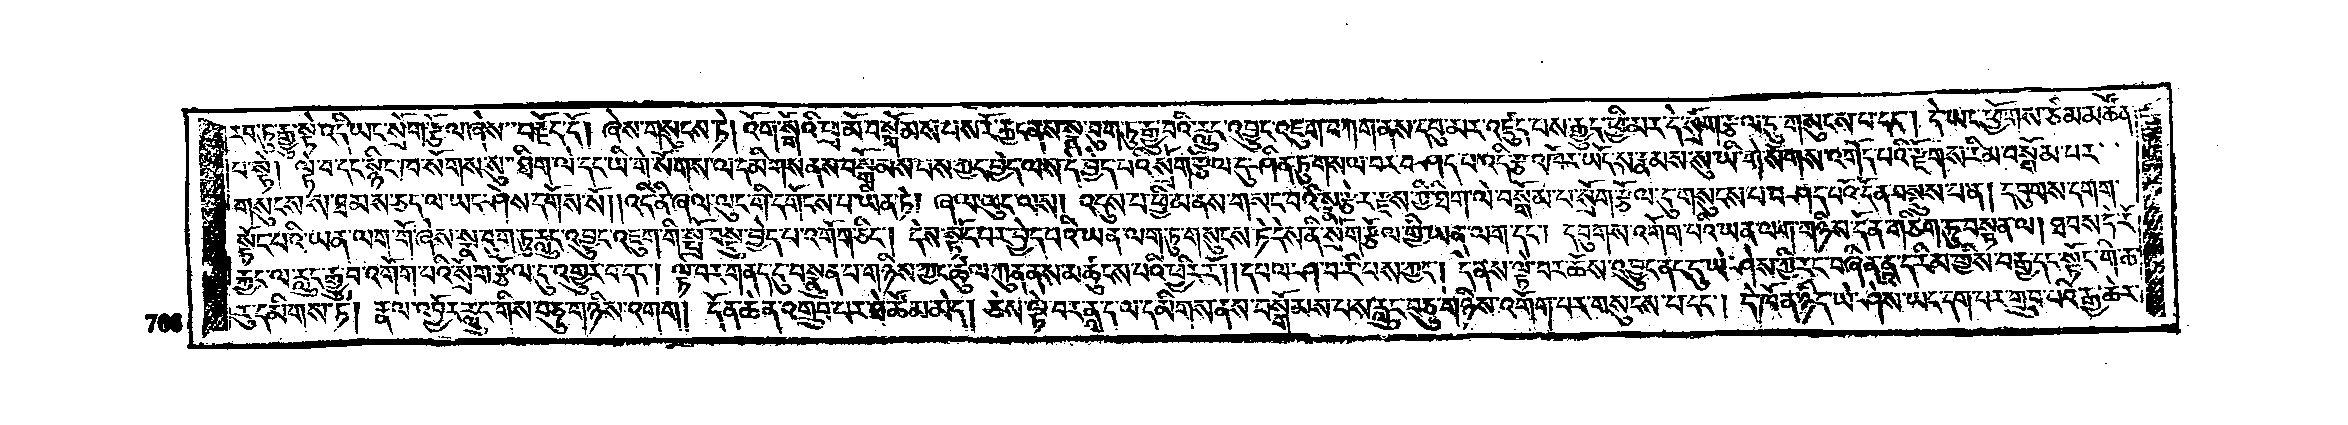རབ་ཏུ་རྒྱུ་སྟེ་འདི་ཡང་སྲོག་རྩོལ་ཞེས་བརྗོད་དོ། ཞེས་གསུངས་ཏེ། འོག་སྒོའི་ཕྲ་མོ་བསྒོམས་པས་རོ་རྐྱང་ནས་སྣ་བུག་ཏུ་རྒྱུ་བའི་རླུང་འབྱུང་འཇུག་བཀག་ནས་དབུ་མར་འཛུད་པས་རྒྱུད་ཕྱི་མར་དེ་སྲོག་རྩོལ་དུ་གསུངས་པ་དང་། དེ་ཡང་ཕྱོགས་ཙམ་མཚོན་
པ་སྟེ། ལྟེ་བ་དང་སྙིང་ཁ་སོགས་སུ་ཐིག་ལེ་དང་ཡི་གེ་སོགས་ལ་དམིགས་ནས་བསྒོམས་པས་ཀྱང་བྱེད་ལས་དེ་བྱེད་པའི་སྲོག་རྩོལ་དུ་ཤིན་ཏུ་གསལ་བར་བཤད་པ་འདི་རྩ་འཁོར་ཡོད་ས་རྣམས་སུ་ཡི་གེ་སོགས་འགོད་པའི་རྫོགས་རིམ་བསྒོམ་པར་
གསུངས་ས་ཐམས་ཅད་ལ་ཡང་ཤེས་དགོས་སོ། །འདི་ནི་ཞལ་ལུང་གི་དགོངས་པ་ཡིན་ཏེ། ཞལ་ལུང་ལས། འདུས་པ་ཕྱི་མ་ནས་གསང་བའི་སྣ་རྩེར་རྫས་ཀྱི་ཐིག་ལེ་བསྒོམ་པ་སྲོག་རྩོལ་དུ་གསུངས་པ་བཤད་པའི་དོན་བསྡུས་པ་ན། དབུགས་དགག་
སྟོང་པའི་ཡན་ལག་གི་ཞེས་སྣ་བུག་ཏུ་རླུང་འབྱུང་འཇུག་གི་སྤྲོ་བསྡུ་བྱེད་པ་འགོག་ཅིང་། དེས་སྟོང་པར་བྱེད་པའི་ཡན་ལག་ཏུ་གསུངས་ཏེ་དེས་ནི་སྲོག་རྩོལ་གྱི་ཡན་ལག་དང་། དབུགས་འགོག་པའི་ཡན་ལག་གཉིས་དོན་གཅིག་ཏུ་བསྟན་ལ། ཐབས་དེ་རོ་
རྐྱང་ལ་རླུང་རྒྱུ་བ་འགོག་པའི་སྲོག་རྩོལ་དུ་འགྱུར་བ་དང་། ལྟེ་བར་གནད་དུ་བསྣུན་པ་གཉིས་ཀྱང་ཚུལ་ཀུན་ནས་མཚུངས་པའི་ཕྱིར་རོ། །དཔལ་ཤ་བ་རི་པས་ཀྱང་། དེ་ནས་ལྟེ་བར་ཆོས་འབྱུང་ནང་དུ་ཡེ་ཤེས་ཀྱི་རང་བཞིན་ནཱ་ད་རིམ་གྱིས་བརྒྱ་དང་སྟོང་གི་ཆ་
རུ་དམིགས་ཏེ། རྣལ་འབྱོར་རླུང་གིས་བཅུ་གཉིས་འགག། དོན་ཆེན་འགྲུབ་པར་ཐེ་ཚོམ་མེད། ཅེས་ལྟེ་བར་ནཱ་ད་ལ་དམིགས་ནས་བསྒོམས་པས་རླུང་བཅུ་གཉིས་འགོག་པར་གསུངས་པ་དང་། དེ་ཁོ་ན་ཉིད་ཡེ་ཤེས་ཡང་དག་པར་གྲུབ་པའི་རྒྱ་ཆེར་